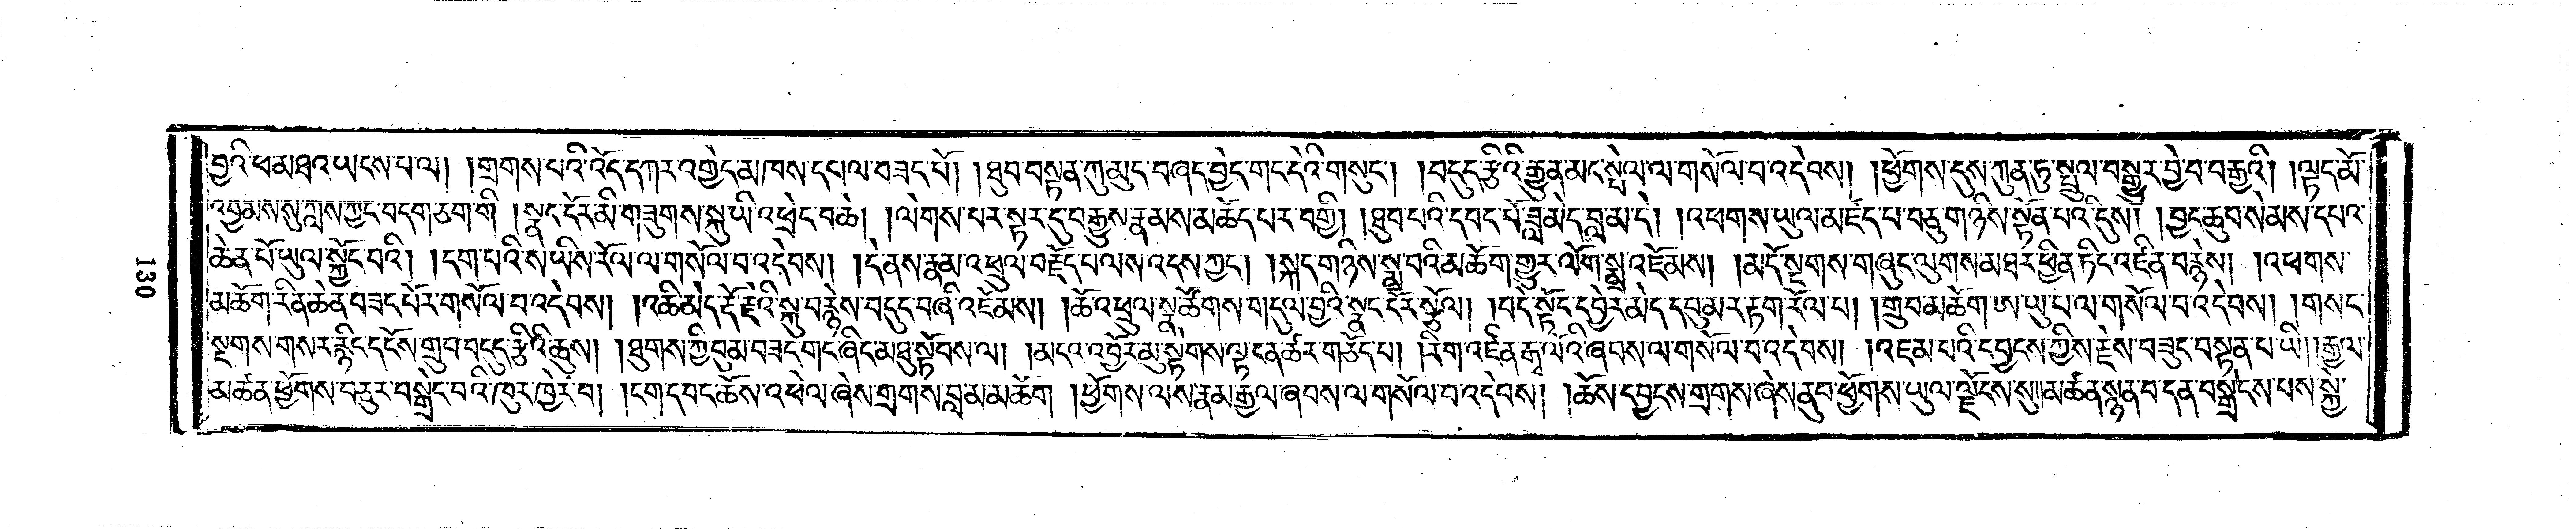བྱའི་ཕ་མཐའ་ཡངས་པ་ལ། །གྲགས་པའི་འོད་དཀར་འགྱེད་མཁས་དཔལ་བཟང་པོ། །ཐུབ་བསྟན་ཀུ་མུད་བཞད་བྱེད་གང་དེའི་གསུང་། །བདུད་རྩིའི་རྒྱུན་མང་སྤེལ་ལ་གསོལ་བ་འདེབས། །ཕྱོགས་དུས་ཀུན་ཏུ་སྤྲུལ་བསྒྱུར་བྱེ་བ་བརྒྱའི། །ལྟད་མོ་
འབྱམས་སུ་ཀླས་ཀྱང་བདག་ཅག་གི །སྣང་ངོར་མི་གཟུགས་སྐུ་ཡི་འཕྲེང་བ་ཆེ། །ལེགས་པར་སྟར་དུ་བརྒྱུས་རྣམས་མཆོད་པར་བགྱི། །ཐུབ་པའི་དབང་པོ་ཟླ་མེད་བླ་མ་དེ། །འཕགས་ཡུལ་མཛད་པ་བཅུ་གཉིས་སྟོན་པའི་དུས། །བྱང་ཆུབ་སེམས་དཔའ་
ཆེན་པོ་ཡུལ་སྐྱོང་བའི། །དག་པའི་ས་ཡིས་རོལ་ལ་གསོལ་བ་འདེབས། །དེ་ནས་རྣམ་འཕྲུལ་བརྗོད་པ་ལས་འདས་ཀྱང་། །སྐད་གཉིས་སྨྲ་བའི་མཆོག་གྱུར་ལོག་སྨྲ་འཇོམས། །མདོ་སྔགས་གཞུང་ལུགས་མཐར་ཕྱིན་ཏིང་འཛིན་བརྙེས། །འཕགས་
མཆོག་རིན་ཆེན་བཟང་པོར་གསོལ་བ་འདེབས། །འཆི་མེད་རྡོ་རྗེའི་སྐུ་བརྙེས་བདུད་བཞི་འཇོམས། །ཆོ་འཕྲུལ་སྣ་ཚོགས་གདུལ་བྱའི་སྣང་ངོར་སྩོལ། །བདེ་སྟོང་དབྱེར་མེད་དབུ་མར་རྟག་རོལ་པ། །གྲུབ་མཆོག་ཨ་ཡུ་པ་ལ་གསོལ་བ་འདེབས། །གསང་
སྔགས་གསར་རྙིང་དངོས་གྲུབ་བདུད་རྩིའི་ཆུས། །ཐུགས་ཀྱི་བུམ་བཟང་གང་ཞིང་མཐུ་སྟོབས་ལ། །མདའ་འབྱོར་མུ་སྟེགས་ལྟ་ངན་ཚར་གཅོད་པ། །རིག་འཛིན་རྒྭ་ལོའི་ཞབས་ལ་གསོལ་བ་འདེབས། །འཇམ་པའི་དབྱངས་ཀྱིས་རྗེས་བཟུང་བསྟན་པ་ཡི། །རྒྱལ་
མཚན་ཕྱོགས་བཅུར་བསྒྲེང་བའི་ཁུར་ཁྱེར་བ། །ངག་དབང་ཆོས་འཕེལ་ཞེས་གྲགས་བླ་མ་མཆོག །ཕྱོགས་ལས་རྣམ་རྒྱལ་ཞབས་ལ་གསོལ་བ་འདེབས། །ཆོས་དབྱངས་གྲགས་ཞེས་ནུབ་ཕྱོགས་ཡུལ་ལྗོངས་སུ། །མཚན་སྙན་བ་དན་བསྒྲེངས་པས་སྐྱེ་